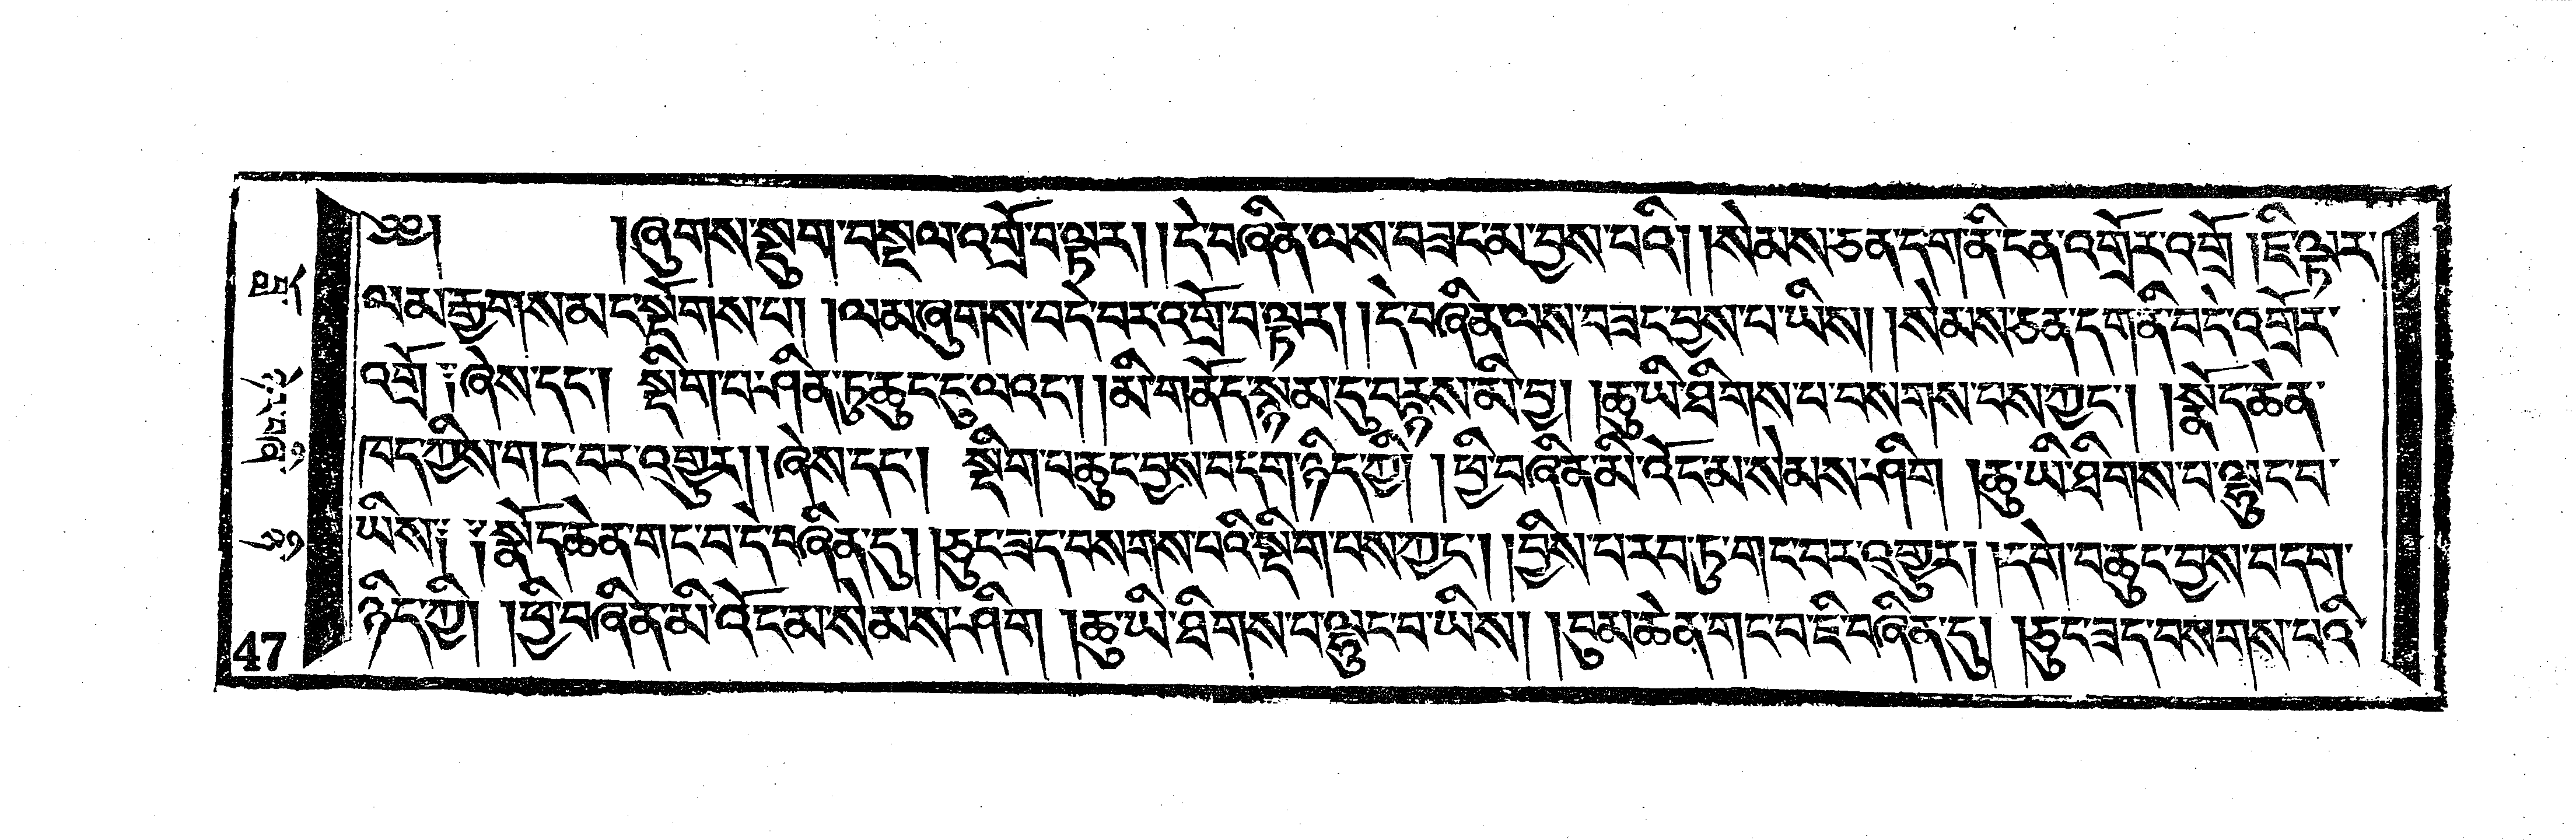༄༅། །ཞུགས་སྡུག་བསྔལ་འགྲོ་བ་ལྟར། །དེ་བཞིན་ལས་བཟང་མ་བྱས་པའི། །སེམས་ཅན་དག་ནི་ངན་འགྲོར་འགྲོ་།ཇི་ལྟར་
ལམ་རྒྱགས་མང་སྡོགས་པ། །ལམ་ཞུགས་བདེ་བར་འགྲོ་བ་ལྟར། །དེ་བཞིན་ལས་བཟང་བྱས་པ་ཡིས། །སེམས་ཅན་དག་ནི་བདེ་འགྲོར་
འགྲོ་༑ཞེས་དང་། སྡིག་པ་ཤིན་ཏུ་ཆུང་ངུ་ལའང་། །མི་གནོད་སྙམ་དུ་བརྙས་མི་བྱ། །ཆུ་ཡི་ཐིགས་པ་བསགས་པས་ཀྱང་། །སྣོད་ཆེན་
ཁད་ཀྱིས་གང་བར་འགྱུར། །ཞེས་དང་། སྡིག་པ་ཆུང་བྱས་བདག་ཉིད་ཀྱི། །ཕྱི་བཞིན་མི་འོང་མ་སེམས་ཤིག །ཆུ་ཡི་ཐིགས་པ་ལྷུང་བ་
ཡིས༑ ༑སྣོད་ཆེན་གང་བ་དེ་བཞིན་དུ། །ཅུང་ཟད་བསགས་པའི་སྡིག་པས་ཀྱང་། །བྱིས་པ་རབ་ཏུ་གང་བར་འགྱུར། །དགེ་བ་ཆུང་བྱས་བདག་
ཉིད་ཀྱི། །ཕྱི་བཞིན་མི་འོང་མ་སེམས་ཤིག །ཆུ་ཡི་ཐིགས་པ་ལྷུང་བ་ཡིས། །བུམ་ཆེན་གང་བ་ཇི་བཞིན་དུ། །ཅུང་ཟད་བསགས་པའི་